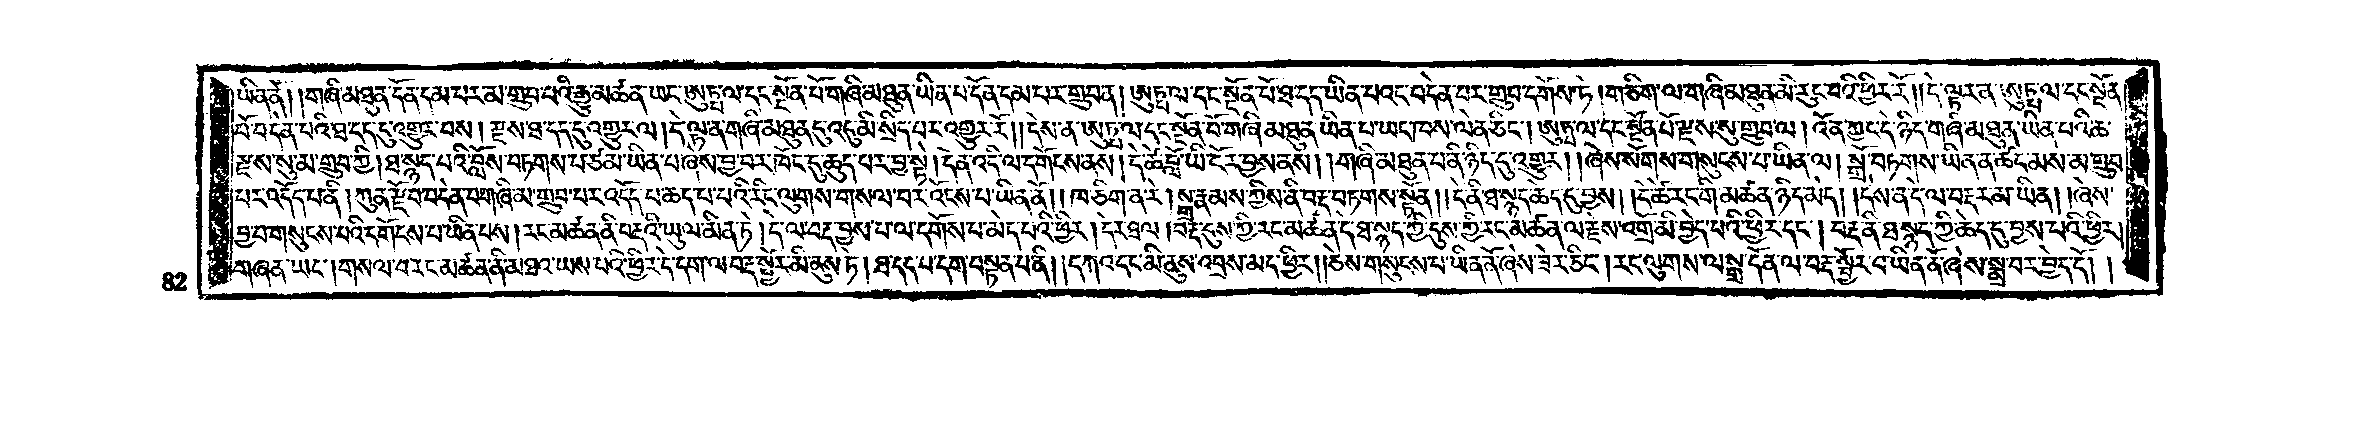ཡིན་ནོ། །གཞི་མཐུན་དོན་དམ་པར་མ་གྲུབ་པའི་རྒྱུ་མཚན་ཡང་ཨུཏྤ་ལ་དང་སྔོན་པོ་གཞི་མཐུན་ཡིན་པ་དོན་དམ་པར་གྲུབ་ན། ཨུཏྤ་ལ་དང་སྔོན་པོ་ཐ་དད་ཡིན་པའང་བདེན་པར་གྲུབ་དགོས་ཏེ། གཅིག་ལ་གཞི་མཐུན་མི་རུང་བའི་ཕྱིར་རོ། །དེ་ལྟར་ན་ཨུཏྤ་ལ་དང་སྔོན་
པོ་བདེན་པའི་ཐ་དད་དུ་འགྱུར་བས། རྫས་ཐ་དད་དུ་འགྱུར་ལ། དེ་ལྟ་ན་གཞི་མཐུན་དུ་འདུ་མི་སྲིད་པར་འགྱུར་རོ། །དེས་ན་ཨུཏྤ་ལ་དང་སྔོན་པོ་གཞི་མཐུན་ཡིན་པ་ཡང་ཁས་ལེན་ཅིང་། ཨུཏྤ་ལ་དང་སྔོན་པོ་རྫས་སུ་གྲུབ་ལ། འོན་ཀྱང་དེ་ཉིད་གཞི་མཐུན་ཡིན་པའི་ཆ་
རྫས་སུ་མ་གྲུབ་ཀྱི། ཐ་སྙད་པའི་བློས་བཏགས་པ་ཙམ་ཡིན་པ་ཞེས་བྱ་བར་ཁོང་དུ་ཆུད་པར་བྱ་སྟེ། དོན་འདི་ལ་དགོངས་ནས། དེ་ཚེ་བློ་ཡི་ངོར་བྱས་ནས། །གཞི་མཐུན་པ་ནི་ཉིད་དུ་འགྱུར། །ཞེས་སོགས་གསུངས་པ་ཡིན་ལ། སྒྲོ་བཏགས་ཡིན་ན་ཚད་མས་མ་གྲུབ་
པར་འདོད་པ་ནི། ཀུན་རྫོབ་བདེན་པ་གཞི་མ་གྲུབ་པར་འདོད་པ་ཆད་པ་པའི་རིང་ལུགས་གསལ་བར་འོངས་པ་ཡིན་ནོ། །ཁ་ཅིག་ན་རེ། སྒྲ་རྣམས་ཀྱིས་ནི་བརྡ་བཏགས་སྟོན། །དེ་ནི་ཐ་སྙད་ཆེད་དུ་བྱས། །དེ་ཚེ་རང་གི་མཚན་ཉིད་མེད། །དེས་ན་དེ་ལ་བརྡར་མ་ཡིན། །ཞེས་
བྱ་བ་གསུངས་པའི་དགོངས་པ་ཡིན་པས། རང་མཚན་ནི་བརྡའི་ཡུལ་མིན་ཏེ། དེ་ལ་བརྡ་བྱས་པ་ལ་དགོས་པ་མེད་པའི་ཕྱིར། དེར་ཐལ། བརྡ་དུས་ཀྱི་རང་མཚན་དེ་ཐ་སྙད་ཀྱི་དུས་ཀྱི་རང་མཚན་ལ་རྗེས་འགྲོ་མི་བྱེད་པའི་ཕྱིར་དང་། བརྡ་ནི་ཐ་སྙད་ཀྱི་ཆེད་དུ་བྱས་པའི་ཕྱིར།
གཞན་ཡང་། གསལ་བ་རང་མཚན་ནི་མཐའ་ཡས་པའི་ཕྱིར་དེ་དག་ལ་བརྡ་སྦྱོར་མི་ནུས་ཏེ། ཐ་དད་པ་དག་བསྟན་པ་ནི། །དཀའ་དང་མི་ནུས་འབྲས་མེད་ཕྱིར། །ཅེས་གསུངས་པ་ཡིན་ནོ་ཞེས་ཟེར་ཅིང་། རང་ལུགས་ལ་སྒྲ་དོན་ལ་བརྡ་སྦྱོར་བ་ཡིན་ནོ་ཞེས་སྨྲ་བར་བྱེད་དོ། །